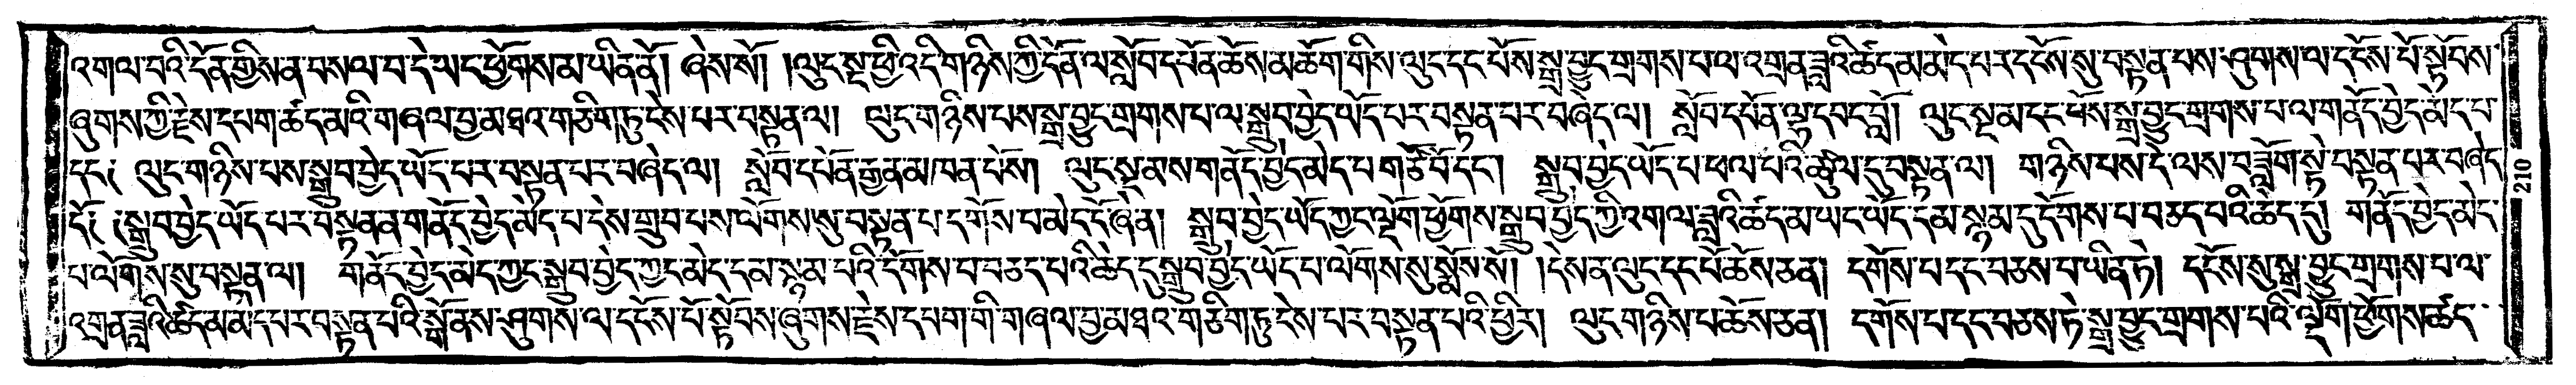འགལ་བའི་དོན་གྱིས་ན་བསལ་བ་དེ་ཡང་ཕྱོགས་མ་ཡིན་ནོ། ཞེས་སོ། །ལུང་སྔ་ཕྱི་འདི་གཉིས་ཀྱི་དོན་ལ་སློབ་དཔོན་ཆོས་མཆོག་གིས་ལུང་དང་པོས་སྒྲ་བྱུང་གྲགས་པ་ལ་འགྲན་ཟླའི་ཚད་མ་མེད་པར་དངོས་སུ་བསྟན་པས་ཤུགས་ལ་དངོས་པོ་སྟོབས་
ཞུགས་ཀྱི་རྗེས་དཔག་ཚད་མའི་གཞལ་བྱ་མཐའ་གཅིག་ཏུ་ངེས་པར་བསྟན་ལ། ལུང་གཉིས་པས་སྒྲ་བྱུང་གྲགས་པ་ལ་སྒྲུབ་བྱེད་ཡོད་པར་བསྟན་པར་བཞེད་ལ། སློབ་དཔོན་ལྷ་དབང་བློ། ལུང་སྔ་མ་དང་པོས་སྒྲ་བྱུང་གྲགས་པ་ལ་གནོད་བྱེད་མེད་པ་
དང༑ ལུང་གཉིས་པས་སྒྲུབ་བྱེད་ཡོད་པར་བསྟན་པར་བཞེད་ལ། སློབ་དཔོན་རྒྱན་མཁན་པོས། ལུང་སྔ་མས་གནོད་བྱེད་མེད་པ་གཙོ་བོ་དང་། སྒྲུབ་བྱེད་ཡོད་པ་ཕལ་པའི་ཚུལ་དུ་བསྟན་ལ། གཉིས་པས་དེ་ལས་བཟློག་སྟེ་བསྟན་པར་བཞེད་
དོ༑ ༑སྒྲུབ་བྱེད་ཡོད་པར་བསྟན་ན་གནོད་བྱེད་མེད་པ་དེས་གྲུབ་པས་ལོགས་སུ་བསྟན་པ་དགོས་པ་མེད་དོ་ཞེ་ན། སྒྲུབ་བྱེད་ཡོད་ཀྱང་ལྡོག་ཕྱོགས་སྒྲུབ་བྱེད་ཀྱི་འགལ་ཟླའི་ཚད་མ་ཡང་ཡོད་དམ་སྙམ་དུ་དོགས་པ་བཅད་པའི་ཆེད་དུ། གནོད་བྱེད་མེད་
པ་ལོགས་སུ་བསྟན་ལ། གནོད་བྱེད་མེད་ཀྱང་སྒྲུབ་བྱེད་ཀྱང་མེད་དམ་སྙམ་པའི་དོགས་པ་བཅད་པའི་ཆེད་དུ་སྒྲུབ་བྱེད་ཡོད་པ་ལོགས་སུ་སྨོས་སོ། །དེས་ན་ལུང་དང་པོ་ཆོས་ཅན། དགོས་པ་དང་བཅས་པ་ཡིན་ཏེ། དངོས་སུ་སྒྲ་བྱུང་གྲགས་པ་ལ་
འགྲན་ཟླའི་ཚད་མ་མེད་པར་བསྟན་པའི་སྒོ་ནས་ཤུགས་ལ་དངོས་པོ་སྟོབས་ཞུགས་རྗེས་དཔག་གི་གཞལ་བྱ་མཐའ་གཅིག་ཏུ་ངེས་པར་བསྟན་པའི་ཕྱིར། ལུང་གཉིས་པ་ཆོས་ཅན། དགོས་པ་དང་བཅས་ཏེ་སྒྲ་བྱུང་གྲགས་པའི་ལྡོག་ཕྱོགས་ཚད་